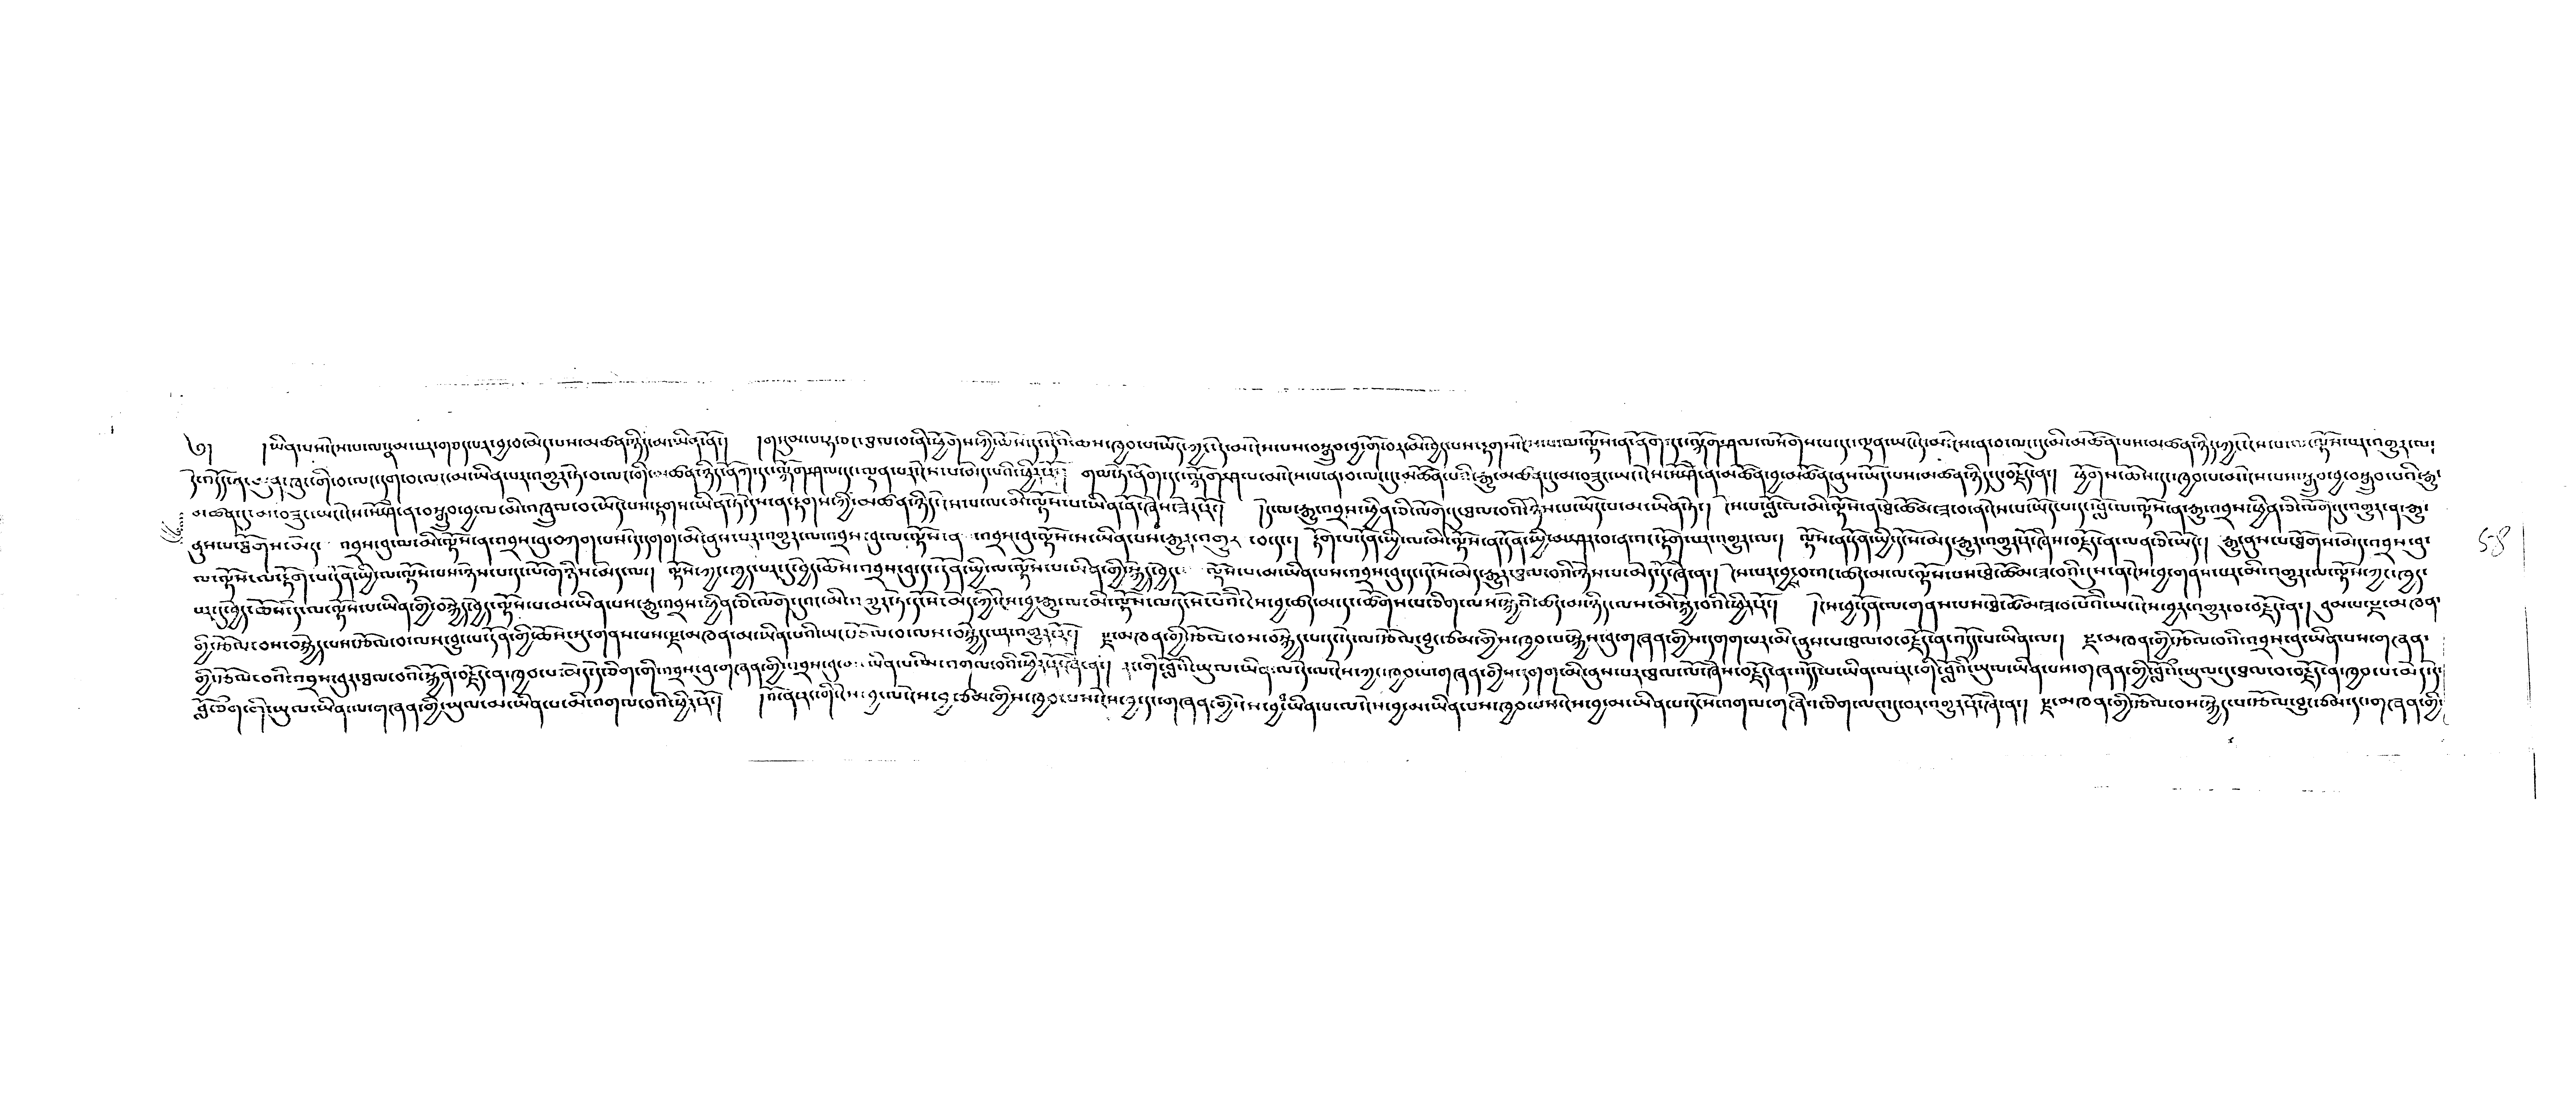༈། །ཡིན་པས་ངེས་པ་ལ་རྣམ་པར་གཅད་པར་བྱ་བ་མེད་པས་མཚན་ཉིད་མ་ཡིན་ནོ། །གསུམ་པ་ཧ་ཅང་ཐལ་བ་ནི་ཕྱོགས་ཀྱི་ཆོས་དང་དེའི་ཆས་ཁྱབ་པ་ཡོད་ཀྱང་དེ་མ་ངེས་པས་བསྒྲུབ་བྱ་གོ་བར་མི་བྱེད་པས་རྟགས་ངེས་པ་མ་ལྟོས་ན་ནོག་དང་ལྐོག་ཤལ་ལ་སོགས་པ་དང་ལྡན་ཡང་དེ་མ་ངེས་ན་བ་ལང་དུ་མི་མཚོན་པས་མཚན་ཉིད་ཀྱང་ངེས་པ་ལ་ལྟོས་པར་འགྱུར་ལ།
དེ་འདོད་ན་མུན་ཁུང་གི་བ་ལང་དག་བ་ལང་མ་ཡིན་པར་འགྱུར་ཏེ་བ་ལང་གི་མཚན་ཉིད་ནོག་དང་ལྐོག་ཤལ་དང་ལྡན་པར་ངེས་པ་མེད་པའི་ཕྱིར་རོ། གལ་ཏེ་ནོག་དང་ལྐོག་ཤལ་མ་ངེས་པ་ན་བ་ལང་དུ་མཚོན་པའི་རྒྱུ་མཚན་དུ་མ་བཟུང་ཡང་ངེས་སོ་ཤེ་ན་མཚོན་བྱ་མཚོན་ནུས་ཡོད་པས་མཚན་ཉིད་དུ་བརྗོད་ན། ཕྱོགས་ཆོས་དང་ཁྱབ་པ་མ་ངེས་པས་སྒྲུབ་བྱ་བསྒྲུབ་པའི་རྒྱུ་
མཚན་དུ་མ་བཟུང་ཡང་ངེས་སོ་ཤེ་ན་བསྒྲུབ་བྱ་ལ་མི་འཁྲུལ་བ་ཡོད་པས་རྟགས་ཡིན་ཏེ་དེས་ན་རྟགས་ཀྱི་མཚན་ཉིད་ངེས་པ་ལ་མི་ལྟོས་པ་ཡིན་ནོ་ཞེས་ཟེར་རོ། །དེ་ལ་རྒྱུ་འབྲས་ཕྱིན་ཅི་ལོག་དུ་ཐལ་བའི་ཉེས་པ་ཡོད་པ་མ་ཡིན་ཏེ། ངེས་པ་བློ་ལ་མི་ལྟོས་ན་ཐེ་ཚོམ་ཟ་བ་ན་ངེས་པ་ཡོད་པ་དང་བློ་ལ་ལྟོས་ན་རྒྱུ་འབྲས་ཕྱིན་ཅི་ལོག་དུ་འགྱུར་ན་རྒྱུ་
ནུས་པ་ཐོགས་མེད་འབྲས་བུ་ལ་མི་ལྟོས་ན་འབྲས་བུ་བཀག་པས་དེ་དགག་མི་ནུས་པར་འགྱུར་ལ་འབྲས་བུ་ལ་ལྟོས་ན་འབྲས་བུ་ལྟོས་ས་ཡིན་པས་རྒྱུར་འགྱུར་བ་དང་། རྟོག་པ་དོན་སྤྱི་ལ་མི་ལྟོས་ན་དོན་སྤྱི་མ་ཤར་བ་ན་འང་རྟོག་པར་འགྱུར་ལ། ལྟོས་ན་དོན་སྤྱི་དངོས་མེད་རྒྱུར་འགྱུར་རོ་ཞེས་བརྗོད་ན་ལན་ཅི་ཡོད། རྒྱུ་ནུས་པ་ཐོགས་མེད་འབྲས་བུ་
ལ་ལྟོས་ལ་རྟོག་པ་དོན་སྤྱི་ལ་ལྟོས་པས་ཉེས་པ་དང་པོ་གཉིས་མེད་ལ། ལྟོས་ཀྱང་ཁྱད་པར་དུ་བྱེད་ཆོས་འབྲས་བུ་དང་དོན་སྤྱི་ལ་ལྟོས་པ་ཡིན་གྱི་སྐྱེད་བྱེད་པ་ལྟོས་པ་མ་ཡིན་པས་འབྲས་བུ་དང་དངོས་མེད་རྒྱུར་ཐལ་བའི་ཉེས་པ་མེད་དོ་ཞེ་ན། ངེས་པར་བྱས་བ་འང་ཚད་མ་ལ་ལྟོས་པས་ཐེ་ཚོམ་ཟ་བའི་དུས་ན་ངེས་བྱ་གནས་པར་མི་འགྱུར་ལ་ལྟོས་ཀྱང་ཁྱད་
པར་དུ་བྱེད་ཆོས་དེ་ལ་ལྟོས་པ་ཡིན་གྱི་བསྐྱེད་བྱེད་ལྟོས་པ་མ་ཡིན་པས་རྒྱུ་འབྲས་ཕྱིན་ཅི་ལོག་དུའང་མི་འགྱུར་ཏེ་དངོས་མེད་ཀྱི་ངེས་བྱ་རྒྱུ་ལ་མི་ལྟོས་ལ་དངོས་པོའི་ངེས་བྱ་ཚད་མ་དང་ཚོགས་པ་ཅིག་ལས་སྐྱེའི་ཚད་མ་ཉིད་ལས་མི་སྐྱེ་བའི་ཕྱིར་རོ། །ངེས་བྱ་དོན་ལ་གནས་པས་ཐེ་ཚོམ་ཟ་བ་པོའི་ཡང་ངེས་བྱར་འགྱུར་བ་བརྗོད་ན། བུམ་པ་རྫ་མཁན་
གྱི་རྩོལ་བས་བསྐྱེད་པས་རྩོལ་བ་ལས་བྱུང་པ་དོན་གྱི་ཆོས་སུ་གནས་པས་རྫ་མཁན་མ་ཡིན་པའི་ཡང་རྩོལ་བ་ལས་བསྐྱེད་པར་འགྱུར་རོ། རྫ་མཁན་གྱི་རྩོལ་བས་བསྐྱེད་པ་དང་དེ་ལ་རྩོལ་བྱུང་ཙམ་གྱིས་ཁྱབ་པ་སྐྱེས་བུ་གཞན་གྱིས་དགག་པར་མི་ནུས་པ་ཐལ་བ་བརྗོད་ན་འདོད་པ་ཡིན་ལ། རྫ་མཁན་གྱི་རྩོལ་བའི་འབྲས་བུ་ཡིན་པས་གཞན་
གྱི་རྩོལ་བའི་འབྲས་བུར་ཐལ་བའི་སྐྱོན་བརྗོད་ན་ཁྱབ་པ་མེད་དེ་ཅིག་གི་འབྲས་བུ་གཞན་གྱི་འབྲས་བུ་མ་ཡིན་པ་མི་འགལ་བའི་ཕྱིར་རོ་ཞེ་ན། རང་གི་བློའི་ཡུལ་ཡིན་ལ་དེ་ལ་ངེས་ཀྱང་ཁྱབ་པ་གཞན་གྱིས་དགག་མི་ནུས་པར་ཐལ་ལོ་ཞེས་བརྗོད་ན་འདོད་པ་ཡིན་ལ་རང་གི་བློའི་ཡུལ་ཡིན་པས་གཞན་གྱི་བློའི་ཡུལ་དུ་ཐལ་བ་བརྗོད་ན་ཁྱབ་པ་མེད་དེ་
བློ་ཅིག་གི་ཡུལ་ཡིན་ལ་གཞན་གྱི་ཡུལ་མ་ཡིན་པ་མི་འགལ་བའི་ཕྱིར་རོ། །འོ་ན་རང་གི་ངེས་བྱ་ལ་ངེས་བྱ་ཙམ་གྱིས་ཁྱབ་པ་ངེས་བྱ་དང་གཞན་གྱི་ངེས་བྱ་ཡིན་པ་ལ་ངེས་བྱ་མ་ཡིན་པས་ཁྱབ་པས་ངེས་བྱ་མ་ཡིན་པ་དངོས་འགལ་གཞིའ་ཅིག་ལ་འདུ་བར་འགྱུར་རོ་ཞེ་ན། རྫ་མཁན་གྱི་རྩོལ་བས་སྐྱེད་པ་རྩོལ་བྱུང་ཙམ་དང་གཞན་གྱི་